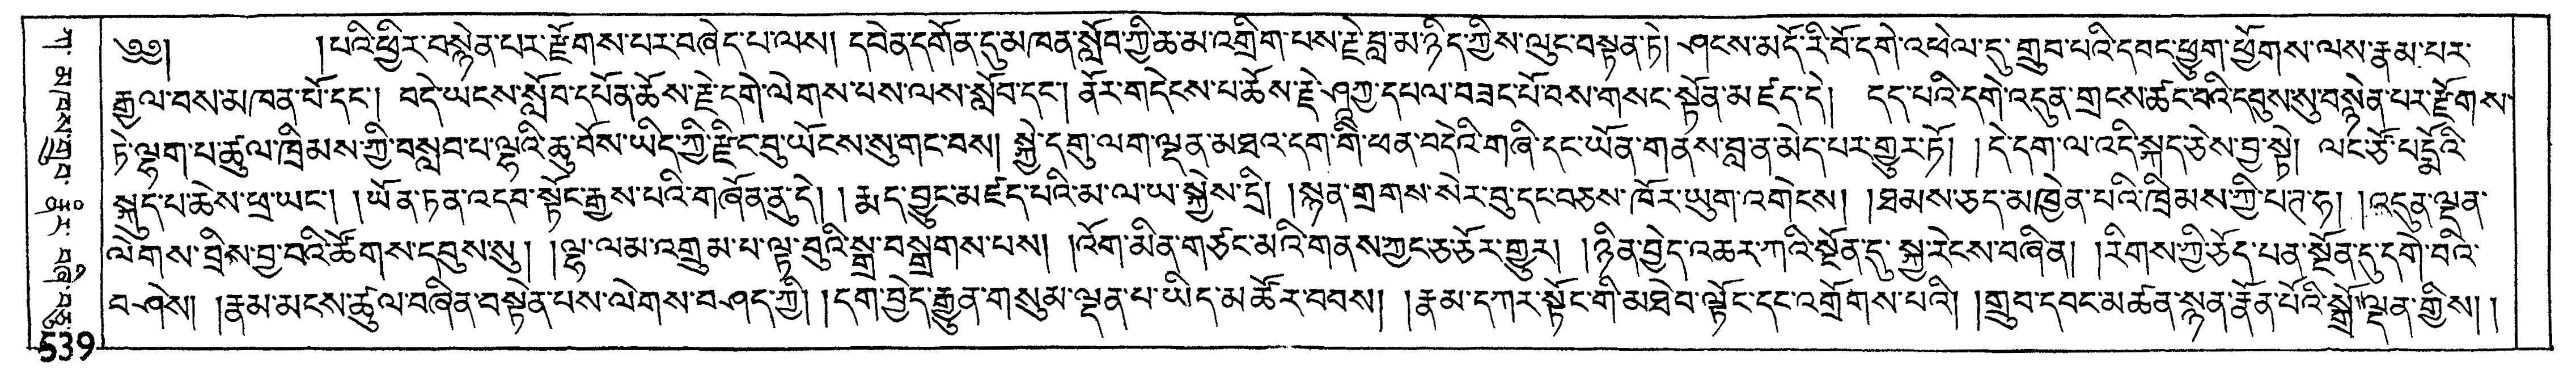༄༅། །པའི་ཕྱིར་བསྙེན་པར་རྫོགས་པར་བཞེད་པ་ལས། དབེན་དགོན་དུ་མཁན་སློབ་ཀྱི་ཆ་མ་འགྲིག་པས་རྗེ་བླ་མ་ཉིད་ཀྱིས་ལུང་བསྟན་ཏེ། ཤངས་མདོ་རི་བོ་དགེ་འཕེལ་དུ་གྲུབ་པའི་དབང་ཕྱུག་ཕྱོགས་ལས་རྣམ་པར་
རྒྱལ་བས་མཁན་པོ་དང་། བདེ་ཡངས་སློབ་དཔོན་ཆོས་རྗེ་དགེ་ལེགས་པས་ལས་སློབ་དང་། ནོར་གདེངས་པ་ཆོས་རྗེ་ཤཱཀྱ་དཔལ་བཟང་པོ་བས་གསང་སྟོན་མཛད་དེ། དད་པའི་དགེ་འདུན་གྲངས་ཚང་བའི་དབུས་སུ་བསྙེན་པར་རྫོགས་
ཏེ་ལྷག་པ་ཚུལ་ཁྲིམས་ཀྱི་བསླབ་པ་ལྷའི་ཆུ་བོས་ཡིད་ཀྱི་རྫིང་བུ་ཡོངས་སུ་གང་བས། སྐྱེ་དགུ་ལག་ལྡན་མཐའ་དག་གི་ཕན་བདེའི་གཞི་དང་ཡོན་གནས་བླ་ན་མེད་པར་གྱུར་ཏོ། །དེ་དག་ལ་འདི་སྐད་ཅེས་བྱ་སྟེ། ལང་ཙོ་པདམོའི་
སྐུད་པ་ཆེས་ཕྲ་ཡང་། །ཡོན་ཏན་འདབ་སྟོང་རྒྱས་པའི་གཞོན་ནུ་དེ། །རྨད་བྱུང་མཛད་པའི་མ་ལ་ཡ་སྐྱེས་དྲི། །སྙན་གྲགས་སེར་བུ་དང་བཅས་ཁོར་ཡུག་འགེངས། །ཐམས་ཅད་མཁྱེན་པའི་ཁྲིམས་ཀྱི་པ་ཊ་ཧ། །འདུན་ལྡན་
ལེགས་བྲིས་བྱ་བའི་ཚོགས་དབུས་སུ། །ལྷ་ལམ་འགྲུམ་པ་ལྟ་བུའི་སྒྲ་བསྒྲགས་པས། །འོག་མིན་གཙང་མའི་གནས་ཀྱང་ཅ་ཅོར་གྱུར། །ཉིན་བྱེད་འཆར་ཀའི་སྔོན་དུ་སྐྱ་རེངས་བཞིན། །རིགས་ཀྱི་ཅོད་པན་སྔོན་དུ་དགེ་བའི་
བཤེས། །རྣམ་མངས་ཚུལ་བཞིན་བསྟེན་པས་ལེགས་བཤད་ཀྱི། །དག་བྱེད་རྒྱུན་གསུམ་ལྡན་པ་ཡིད་མཚོར་བབས། །རྣམ་དཀར་སྟོང་གི་མཐེབ་ལྟོང་དང་འགྲོགས་པའི། །གྲུབ་དབང་མཚན་སྙན་རྣོན་པོའི་སྒྲོ་ལྡན་གྱིས། །